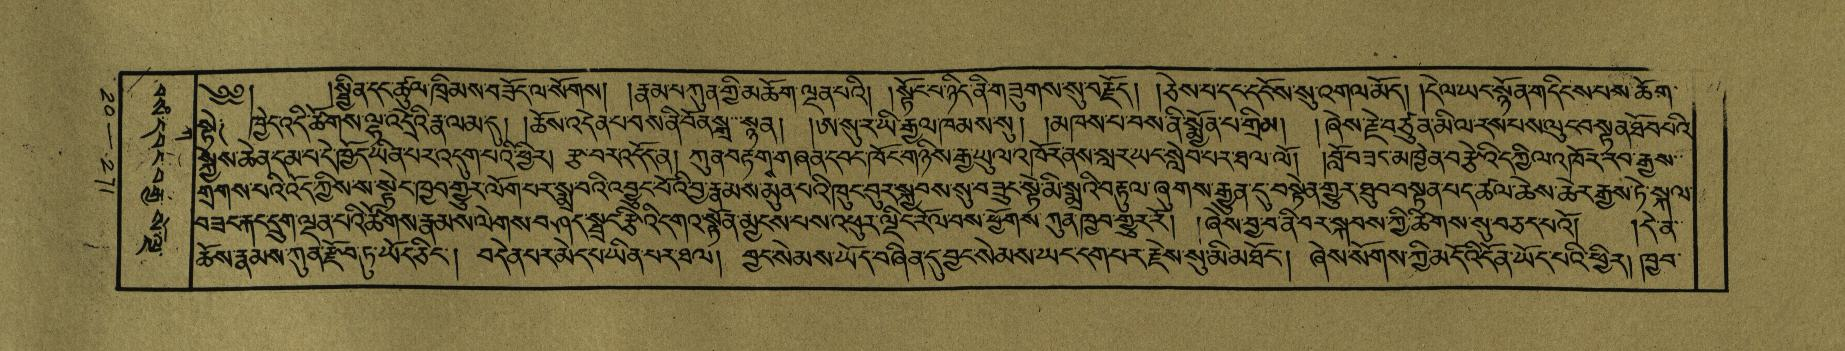༄༅། །སྦྱིན་དང་ཚུལ་ཁྲིམས་བཟོད་ལ་སོགས། །རྣམ་པ་ཀུན་གྱི་མཆོག་ལྡན་པའི། །སྟོང་པ་ཉིད་ནི་གཟུགས་སུ་བརྗོད། །ཅེས་པ་དང་དངོས་སུ་འགལ་མོད། །དེ་ལ་ཡང་སྙོན་གདིངས་པས་ཆོག་
སྟེ༑ ཁྱེད་འདི་ཚོགས་ལྷ་འདྲེའི་རྣ་ལམ་དུ། །ཆོས་འདེན་པ་བས་ནི་བོན་སྒྲ་སྙན། །ཨ་སུ་ར་ཡི་རྒྱལ་ཁམས་སུ། །མཁས་པ་བས་ནི་སྨྱོན་པ་གྲིམ། །ཞེས་རྗེ་བཙུན་མི་ལ་རས་པས་ལུང་བསྟན་ཐོབ་པའི་
སྐྱེས་ཆེན་དམ་པ་དེ་ཁྱོད་ཡིན་པར་འདུག་པའི་ཕྱིར། རྩ་བར་འདོད་ན། ཀུན་བརྟགས་གཞན་དབང་ཁོང་གཉིས་རྒྱ་ཡུལ་འཁོར་ནས་སླར་ཡང་སླེབ་པར་ཐལ་ལོ། །བློ་བཟང་མཁྱེན་བརྩེའི་དཀྱིལ་འཁོར་རབ་རྒྱས་
གྲགས་པའི་འོད་ཀྱིས་ས་སྟེང་ཁྱབ་གྱུར་ལོག་པར་སྨྲ་བའི་འབྱུང་པོའི་བྱ་རྣམས་མུན་པའི་ཁུང་བུར་སྐྱབས་སུ་བཟུང་སྟེ་མི་སྨྲའི་བརྟུལ་ཞུགས་རྒྱུན་དུ་བསྟེན་གྱུར་ཐུབ་བསྟན་པད་ཚལ་ཆེས་ཆེར་རྒྱས་ཏེ་སྐལ་
བཟང་རྐང་དྲུག་ལྡན་པའི་ཚོགས་རྣམས་ལེགས་བཤད་སྦྲང་རྩིའི་དགའ་སྟོན་མྱངས་པས་འཕུར་ལྡིང་རོལ་བས་ཕྱོགས་ཀུན་ཁྱབ་གྱུར་རོ། །ཞེས་བྱ་བ་ནི་བར་སྐབས་ཀྱི་ཚིགས་སུ་བཅད་པའོ། །དེ་ན་
ཆོས་རྣམས་ཀུན་རྫོབ་ཏུ་ཡོད་ཅིང་། བདེན་པར་མེད་པ་ཡིན་པར་ཐལ། བྱང་སེམས་ཡོད་བཞིན་དུ་བྱང་སེམས་ཡང་དག་པར་རྗེས་སུ་མི་མཐོང་། ཞེས་སོགས་ཀྱི་མདོའི་དོན་ཡོད་པའི་ཕྱིར། ཁྱབ་